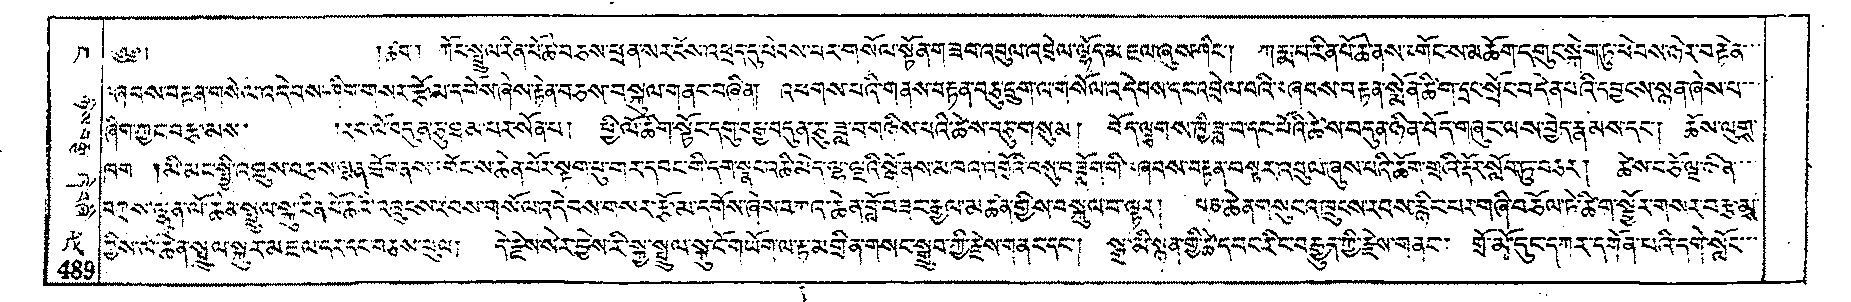༄༅། །ཚབ། ཀོང་སྤྲུལ་རིན་པོ་ཆེ་བཅས་ཕྲན་སར་ངོས་འཕྲད་དུ་ཕེབས་པར་གསོལ་སྟོན་གཟབ་འབུལ་འབྲེལ་ལྷོད་མཇལ་ཞུས་ཤིང་། ཀརྨ་པ་རིན་པོ་ཆེ་ནས་༧གོང་ས་མཆོག་དགུང་སྐེག་ཏུ་ཕེབས་ཉེར་བརྟེན་
༧ཞབས་བརྟན་གསོལ་འདེབས་ཤིག་གསར་རྩོམ་དགོས་ཞེས་རྟེན་བཅས་བསྐུལ་གནང་བཞིན། འཕགས་པའི་གནས་བརྟན་བཅུ་དྲུག་ལ་གསོལ་འདེབས་དང་འབྲེལ་བའི་༧ཞབས་བརྟན་སྨོན་ཚིག་དྲང་སྲོང་བདེན་པའི་དབྱངས་སྙན་ཞེས་པ་
ཞིག་ཀྱང་བརྩམས། །རང་ལོ་བདུན་ཅུ་ཐམ་པར་སོན་པ། ཕྱི་ལོ་ཆིག་སྟོང་དགུ་བརྒྱ་བདུན་ཅུ་ཟླ་བ་གཉིས་པའི་ཚེས་བཅུ་གསུམ། བོད་ལྕགས་ཁྱི་ཟླ་བ་དང་པོའི་ཚེས་བདུན་ཉིན་བོད་གཞུང་ལས་བྱེད་རྣམས་དང་། ཆོས་ལུགས་
ཁག །མི་མང་སྤྱི་འཐུས་བཅས་ལྷན་ཐོག་ནས་༧གོང་ས་ཆེན་པོར་སྟག་ཕུ་གར་དབང་གི་དག་སྣང་འཆི་མེད་ལྷ་ལྔའི་སྒོ་ནས་མཁའ་འགྲོའི་བསུ་བཟློག་གི་༧ཞབས་བརྟན་བསྟར་འབུལ་ཞུས་པའི་ཆོག་གྲའི་རྡོར་སློབ་ཏུ་བཅར། ཚེས་བཅོ་ལྔ་ཉིན་བཀྲས་ལྷུན་ལོ་ཆེན་སྤྲུལ་སྐུ་རིན་པོ་ཆེའི་འཁྲུངས་རབས་གསོལ་འདེབས་གསར་རྩོམ་དགོས་ཞེས་བཀའ་ཆེན་བློ་བཟང་རྒྱལ་མཚན་གྱིས་བསྐུལ་བ་ལྟར། པཎ་ཆེན་གསུང་འཁྲུངས་རབས་རྙིང་པར་གཞི་བཅོལ་ཏེ་ཚིག་སྦྱོར་གསར་བརྩམས་
ཀྱིས་ལོ་ཆེན་སྤྲུལ་སྐུར་མཇལ་དར་དང་བཅས་ཕུལ། དེ་རྗེས་སེར་བྱེས་རི་སྐྱ་སྤྲུལ་སྐུ་ངོ་གཡོག་ལ་རྟ་མགྲིན་གསང་སྒྲུབ་ཀྱི་རྗེས་གནང་དང་། སྒྲ་མི་སྙན་གྱི་ཚེ་དབང་རིང་བརྒྱུད་ཀྱི་རྗེས་གནང་། གྲོ་མོ་དུང་དཀར་དགོན་པའི་དགེ་སློང་